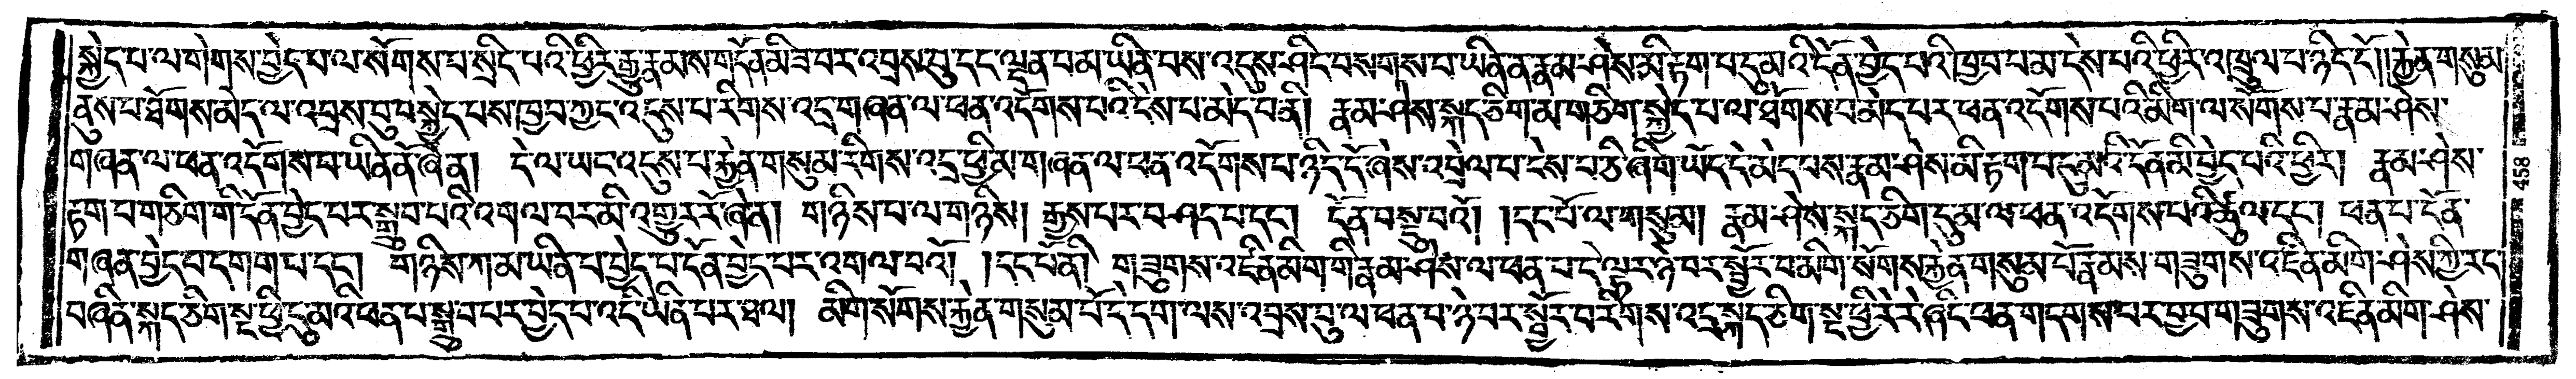སྐྱེད་པ་ལ་གེགས་བྱེད་པ་ལ་སོགས་པ་སྲིད་པའི་ཕྱིར་རྒྱུ་རྣམས་གདོན་མི་ཟ་བར་འབྲས་བུ་དང་ལྡན་པ་མ་ཡིན་པས་འདུས་ཤིང་བསགས་པ་ཡིན་ན་རྣམ་ཤེས་མི་རྟག་པ་དུ་མའི་དོན་བྱེད་པའི་ཁྱབ་པ་མ་དེས་པའི་ཕྱིར་འཁྲུལ་པ་ཉིད་དོ། །རྐྱེན་གསུམ་
ནུས་པ་ཐོགས་མེད་ལ་འབྲས་བུ་བསྐྱེད་པས་ཁྱབ་ཀྱང་འདུས་པ་རིགས་འདྲ་གཞན་ལ་ཕན་འདོགས་པའི་ངེས་པ་མེད་བ་ནི། རྣམ་ཤེས་སྐད་ཅིག་མ་གཅིག་སྐྱེད་པ་ལ་ཐོགས་པ་མེད་པར་ཕན་འདོགས་པའི་མིག་ལ་སོགས་པ་རྣམ་ཤེས་
གཞན་ལ་ཕན་འདོགས་པ་ཡིན་ནོ་ཞེ་ན། དེ་ལ་ཡང་འདུས་པ་རྐྱེན་གསུམ་རིགས་འདྲ་ཕྱི་མ་གཞན་ལ་ཕན་འདོགས་པ་ཉིད་དོ་ཞེས་འབྲེལ་པ་ངེས་པ་ཅི་ཞིག་ཡོད་དེ་མེད་པས་རྣམ་ཤེས་མི་རྟག་བ་དུ་མའི་དོན་མི་བྱེད་པའི་ཕྱིར། རྣམ་ཤེས་
རྟག་པ་གཅིག་གི་དོན་བྱེད་པར་སྒྲུབ་པའི་འགལ་བར་མི་འགྱུར་རོ་ཞེ་ན། གཉིས་པ་ལ་གཉིས། རྒྱས་པར་བཤད་པ་དང་། དོན་བསྡུ་བའོ། །དང་པོ་ལ་གསུམ། རྣམ་ཤེས་སྐད་ཅིག་དུ་མ་ལ་ཕན་འདོགས་པའི་ཚུལ་དང་། ཕན་པ་དོན་
གཞན་བྱེད་པ་དགག་པ་དང་། གཉིས་ཀ་མ་ཡིན་པ་བྱེད་པ་དོན་བྱེད་པར་འགལ་བའོ། །དང་པོ་ནི། གཟུགས་འཛིན་མིག་གི་རྣམ་ཤེས་ལ་ཕན་པ་དེ་ལྟར་ཉེ་བར་སྦྱོར་བ་མིག་སོགས་རྐྱེན་གསུམ་པོ་རྣམས་གཟུགས་འཛིན་མིག་ཤེས་ཀྱི་རང་
བཞིན་སྐད་ཅིག་སྔ་ཕྱི་དུ་མའི་ཕན་པ་སྒྲུབ་པར་བྱེད་པ་འདི་ཡིན་པར་ཐལ། མིག་སོགས་རྐྱེན་གསུམ་པོ་དེ་དག་ལས་འབྲས་བུ་ལ་ཕན་པ་ཉེ་བར་སྦྱོར་བ་རིགས་འདྲ་སྐད་ཅིག་སྔ་ཕྱི་རེ་རེ་ཞིང་ཕན་གདགས་པར་བྱ་བ་གཟུགས་འཛིན་མིག་ཤེས་